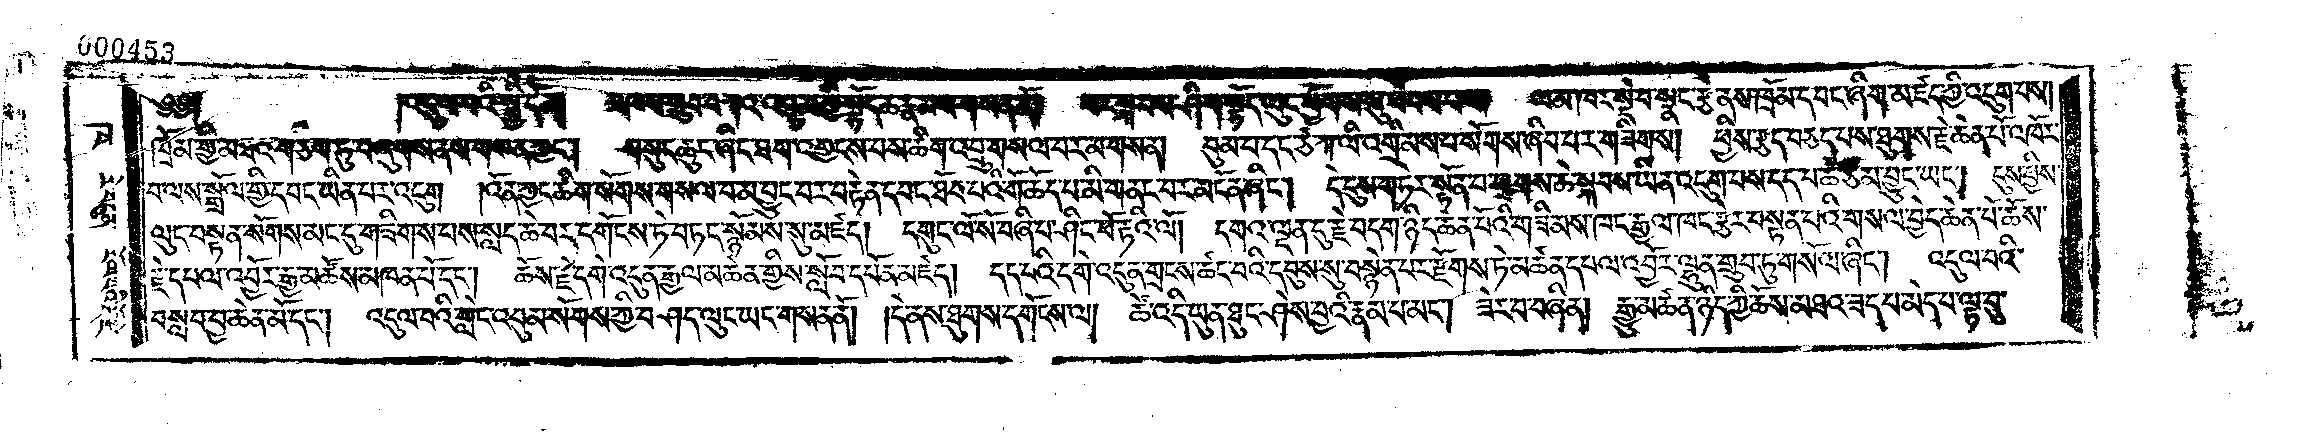༄༅། །འདུལ་བའི་སྤྱི་དོན། མཁས་གྲུབ་བཀའ་འབུམ་གྱི་སྟོད་ཆ་རྣམས་གསན་ནོ། བར་སྐབས་ཤིག་སྟོད་ལུང་ཕྱོགས་སུ་ཕེབས་པས། ལམ་ཁར་སྡེ་བ་སྣང་རྩེ་ནས་ཁྲོམ་དབང་ཞིག་མཛད་ཀྱི་འདུག་པས།
ཁྲོམ་གྱི་མཐའ་གཅིག་ཏུ་བཞུགས་ནས་གསན་ཀྱང་། གསུང་ཆུང་ཞིང་ཐག་འགྱངས་བས་ཚིག་འབྲུ་གསལ་བར་མ་གསན། བུམ་པ་དང་ཙ་ཀ་ལི་འགྲིམས་པ་སོགས་ཞིབ་པར་གཟིགས། ཕྱིས་རྩད་བཅད་པས་ཐུགས་རྗེ་ཆེན་པོ་འཁོར་
བ་ལས་སྒྲོལ་གྱི་དབང་ཡིན་པར་འདུག །འོན་ཀྱང་ཚིག་སོགས་གསལ་བ་མ་བྱུང་བར་བརྟེན་དབང་ཐོབ་པའི་གོ་ཆོད་པ་མི་གནང་བར་མངོན་ཞིང་། དེ་དུས་གཏེར་སྟོན་པ་གྲགས་ཆེ་སྐབས་ཡིན་འདུག་པས་དད་པ་ཆེ་ཙམ་བྱུང་ཡང་། དུས་ཕྱིས་
ལུང་བསྟན་སོགས་མང་དུ་གཟིགས་པས་སླད་ཆེ་བར་དགོངས་ཏེ་བཏང་སྙོམས་སུ་མཛད། དགུང་ལོ་སོ་བཞི་པ་ཤིང་ཕོ་རྟའི་ལོ། དགའ་ལྡན་དུ་རྗེ་བདག་ཉིད་ཆེན་པོའི་གཟིམས་ཁང་རྒྱལ་ཁང་རྩེར་བསྟན་པའི་གསལ་བྱེད་ཆེན་པོ་ཆོས་
རྗེ་དཔལ་འབྱོར་རྒྱ་མཚོས་མཁན་པོ་དང་། ཆོས་རྗེ་དགེ་འདུན་རྒྱལ་མཚན་གྱིས་སློབ་དཔོན་མཛད། དད་པའི་དགེ་འདུན་གྲངས་ཚང་བའི་དབུས་སུ་བསྙེན་པར་རྫོགས་ཏེ་མཚན་དཔལ་འབྱོར་ལྷུན་གྲུབ་ཏུ་གསལ་ཞིང་། འདུལ་བའི་
བསླབ་བྱ་ཆེན་མོ་དང་། འདུལ་བའི་གླེང་འབུམ་སོགས་ཀྱི་བཤད་ལུང་ཡང་གསན་ནོ། །དེ་ནས་ཐུགས་དགོངས་ལ། ཚེ་འདི་ཡུན་ཐུང་ཤེས་བྱའི་རྣམ་པ་མང་། ཟེར་བ་བཞིན། རྒྱུ་མཚན་ཉིད་ཀྱི་ཆོས་མཐའ་ཟད་བ་མེད་པ་ལྟ་བུ་